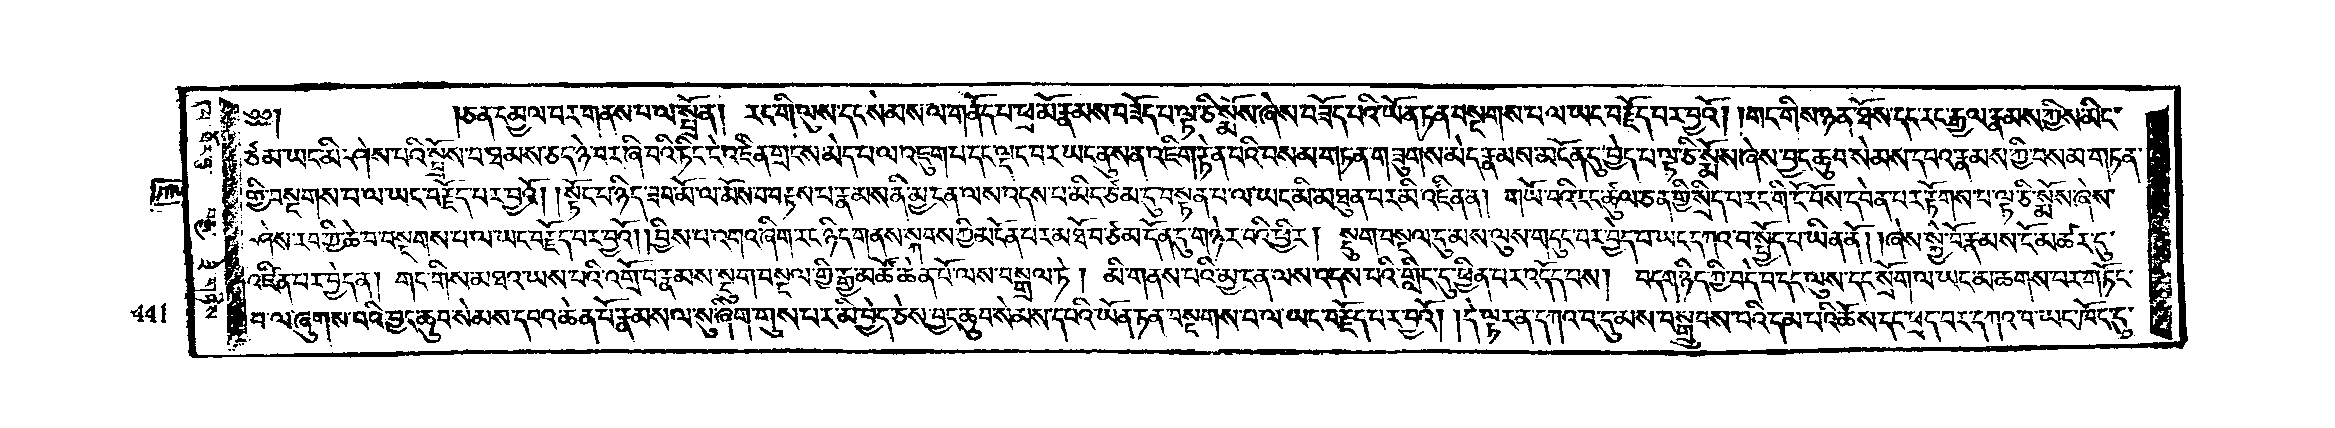༄༅། །ཅན་དམྱལ་བར་གནས་པ་ལ་སྤྲོ་ན། རང་གི་ལུས་དང་སེམས་ལ་གནོད་པ་ཕྲ་མོ་རྣམས་བཟོད་པ་ལྟ་ཅི་སྨོས་ཞེས་བཟོད་པའི་ཡོན་ཏན་བསྔགས་པ་ལ་ཡང་བརྗོད་པར་བྱའོ། །གང་གིས་ཉན་ཐོས་དང་རང་རྒྱལ་རྣམས་ཀྱིས་མིང་
ཙམ་ཡང་མི་ཤེས་པའི་སྤྲོས་པ་ཐམས་ཅད་ཉེ་བར་ཞི་བའི་ཏིང་ངེ་འཛིན་གྲངས་མེད་པ་ལ་འཇུག་པ་དང་ལྡང་བར་ཡང་ནུས་ན་འཇིག་རྟེན་པའི་བསམ་གཏན་གཟུགས་མེད་རྣམས་མངོན་དུ་བྱེད་པ་ལྟ་ཅི་སྨོས་ཞེས་བྱང་ཆུབ་སེམས་དཔའ་རྣམས་ཀྱི་བསམ་གཏན་
གྱི་བསྔགས་པ་ལ་ཡང་བརྗོད་པར་བྱའོ། །སྟོང་པ་ཉིད་ཟབ་མོ་ལ་མོས་པ་བརྟས་པ་རྣམས་ནི་མྱ་ངན་ལས་འདས་པ་མིང་ཙམ་དུ་བསྟན་པ་ལ་ཡང་མི་མཐུན་པར་མི་འཛིན་ན། གཡོ་བའི་ངང་ཚུལ་ཅན་གྱི་སྲིད་པ་རང་གི་ངོ་བོས་དབེན་པར་རྟོགས་པ་ལྟ་ཅི་སྨོས་ཞེས་
ཤེས་རབ་ཀྱི་ཆེ་བ་བསྔགས་པ་ལ་ཡང་བརྗོད་པར་བྱའོ། །བྱིས་པ་འགའ་ཞིག་རང་ཉིད་གནས་སྐབས་ཀྱི་མངོན་པར་མཐོ་བ་ཙམ་དོན་དུ་གཉེར་བའི་ཕྱིར། སྡུག་བསྔལ་དུ་མས་ལུས་གདུང་བར་བྱེད་པ་ཡང་དཀའ་བ་སྤྱོད་པ་ཡིན་ནོ། །ཞེས་སྐྱེ་བོ་རྣམས་ངོ་མཚར་དུ་
འཛིན་པར་བྱེད་ན། གང་གིས་མཐའ་ཡས་པའི་འགྲོ་བ་རྣམས་སྡུག་བསྔལ་གྱི་རྒྱ་མཚོ་ཆེན་པོ་ལས་བསྒྲལ་ཏེ། མི་གནས་པའི་མྱ་ངན་ལས་འདས་པའི་གླིང་དུ་ཕྱིན་པར་འདོད་པས། བདག་ཉིད་ཀྱི་བདེ་བ་དང་ལུས་དང་སྲོག་ལ་ཡང་མ་ཆགས་པར་གཏོང་
བ་ལ་ཞུགས་པའི་བྱང་ཆུབ་སེམས་དཔའ་ཆེན་པོ་རྣམས་ལ་སུ་ཞིག་གུས་པར་མི་བྱེད་ཅེས་བྱང་ཆུབ་སེམས་དཔའི་ཡོན་ཏན་བསྔགས་པ་ལ་ཡང་བརྗོད་པར་བྱའོ། །དེ་ལྟར་ན་དཀའ་བ་དུ་མས་བསྒྲུབས་པའི་དམ་པའི་ཆོས་དང་ཕྲད་པར་དཀའ་བ་ཡང་ཁོང་དུ་